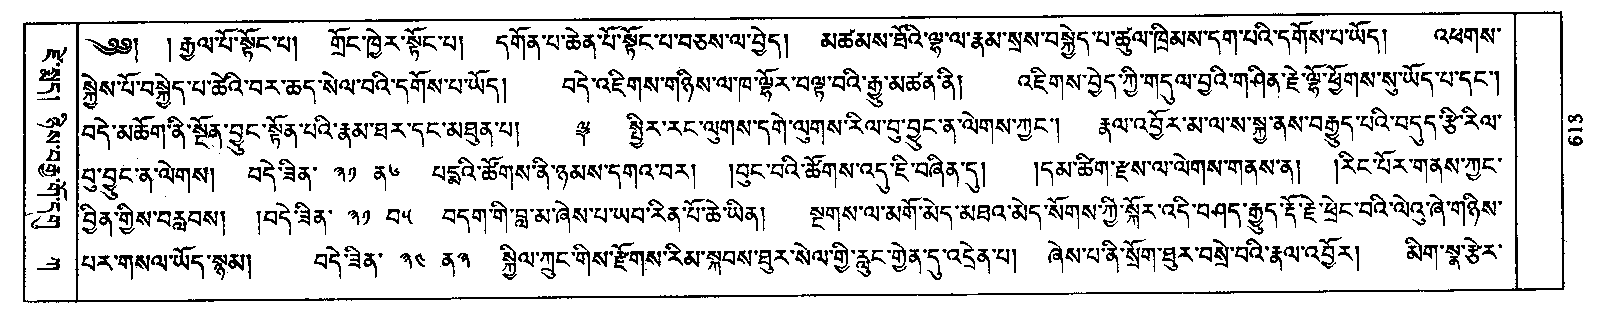༄༅། །རྒྱལ་པོ་སྟོང་པ། གྲོང་ཁྱེར་སྟོང་པ། དགོན་པ་ཆེན་པོ་སྟོང་པ་བཅས་ལ་བྱེད། མཚམས་ཐོའི་ལྷ་ལ་རྣམ་སྲས་བསྐྱེད་པ་ཚུལ་ཁྲིམས་དག་པའི་དགོས་པ་ཡོད། འཕགས་
སྐྱེས་པོ་བསྐྱེད་པ་ཚེའི་བར་ཆད་སེལ་བའི་དགོས་པ་ཡོད། བདེ་འཇིགས་གཉིས་ལ་ཁ་ལྷོར་བལྟ་བའི་རྒྱུ་མཚན་ནི། འཇིགས་བྱེད་ཀྱི་གདུལ་བྱའི་གཤིན་རྗེ་ལྷོ་ཕྱོགས་སུ་ཡོད་པ་དང་།
བདེ་མཆོག་ནི་སྔོན་བྱུང་སྟོན་པའི་རྣམ་ཐར་དང་མཐུན་པ། ༈ སྤྱིར་རང་ལུགས་དགེ་ལུགས་རིལ་བུ་བྱུང་ན་ལེགས་ཀྱང་། རྣལ་འབྱོར་མ་ལ་ས་སྐྱ་ནས་བརྒྱུད་པའི་བདུད་རྩི་རིལ་
བུ་བྱུང་ན་ལེགས། བདེ་ཟིན ༣༡་ན ༦་པདམའི་ཚོགས་ནི་ཉམས་དགའ་བར། །བུང་བའི་ཚོགས་འདུ་ཇི་བཞིན་དུ། །དམ་ཚིག་རྫས་ལ་ལེགས་གནས་ན། །རིང་པོར་གནས་ཀྱང་
བྱིན་གྱིས་བརླབས། །བདེ་ཟིན ༣༡་བ ༥་བདག་གི་བླ་མ་ཞེས་པ་ཡབ་རིན་པོ་ཆེ་ཡིན། སྔགས་ལ་མགོ་མེད་མཐའ་མེད་སོགས་ཀྱི་སྐོར་འདི་བཤད་རྒྱུད་རྡོ་རྗེ་ཕྲེང་བའི་ལེའུ་ཞེ་གཉིས་
པར་གསལ་ཡོད་སྙམ། བདེ་ཟིན ༣༤་ན ༣་སྐྱིལ་ཀྲུང་གིས་རྫོགས་རིམ་སྐབས་ཐུར་སེལ་གྱི་རླུང་གྱེན་དུ་འདྲེན་པ། ཞེས་པ་ནི་སྲོག་ཐུར་བསྲེ་བའི་རྣལ་འབྱོར། མིག་སྣ་རྩེར་